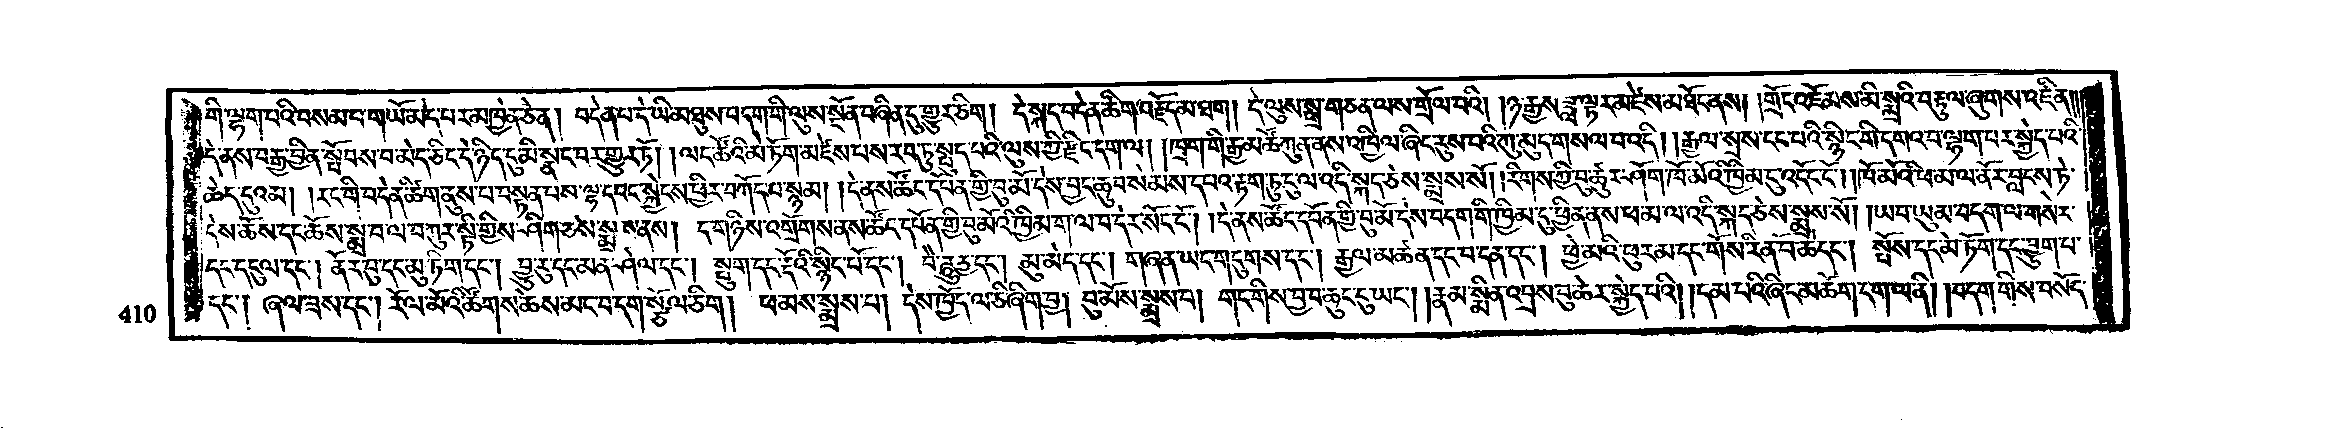གི་ལྷག་པའི་བསམ་པ་གཡོ་མེད་པར་མཁྱེན་ཅེ་ན། བདེན་པ་དེ་ཡི་མཐུས་བདག་གི་ལུས་སྔོན་བཞིན་དུ་གྱུར་ཅིག །དེ་སྐད་བདེན་ཚིག་བརྗོད་མ་ཐག །དེ་ལུས་སྒྲ་གཅན་ལས་གྲོལ་བའི། །ཉ་རྒྱས་ཟླ་ལྟར་མཛེས་མཐོང་ནས། །གྲོང་འཇོམས་མི་སྨྲའི་བརྟུལ་ཞུགས་འཛིན། །
དེ་ནས་བརྒྱ་བྱིན་སྤོབས་པ་མེད་ཅིང་དེ་ཉིད་དུ་མི་སྣང་བར་གྱུར་ཏོ། །ལང་ཚོའི་མེ་ཏོག་མཛེས་པས་རབ་ཏུ་སྤུད་པའི་ལུས་ཀྱི་རྫིང་དག་ལ། །ཁྲག་གི་རྒྱ་མཚོ་ཀུན་ནས་འཁྱིལ་ཞིང་རུས་པའི་ཀུ་མུད་གསལ་བ་འདི། །རྒྱལ་སྲས་ངང་པའི་སྙིང་གི་དགའ་བ་ལྷག་པར་སྐྱེད་པའི་
ཆེད་དུའམ། །རང་གི་བདེན་ཚིག་ནུས་པ་བསྟན་པས་ལྷ་དབང་སྐྱེངས་ཕྱིར་བཀོད་པ་སྙམ། །དེ་ནས་ཚོང་དཔོན་གྱི་བུ་མོ་དེས་བྱང་ཆུབ་སེམས་དཔའ་རྟག་ཏུ་ངུ་ལ་འདི་སྐད་ཅེས་སྨྲས་སོ། །རིགས་ཀྱི་བུ་ཚུར་ཤོག་ཁོ་མོའི་ཁྱིམ་དུ་འདོང་ངོ། །ཁོ་མོའི་ཕ་མ་ལ་ནོར་བླངས་ཏེ་
དེས་ཆོས་དང་ཆོས་སྨྲ་བ་ལ་བཀུར་སྟི་གྱིས་ཤིག་ཅེས་སྨྲས་ནས། དེ་གཉིས་འགྲོགས་ནས་ཚོང་དཔོན་གྱི་བུ་མོའི་ཁྱིམ་ག་ལ་བ་དེར་སོང་ངོ། །དེ་ནས་ཚོང་དཔོན་གྱི་བུ་མོ་དེས་བདག་གི་ཁྱིམ་དུ་ཕྱིན་ནས་ཕ་མ་ལ་འདི་སྐད་ཅེས་སྨྲས་སོ། །ཡབ་ཡུམ་བདག་ལ་གསེར་
དང་དངུལ་དང་། ནོར་བུ་དང་མུ་ཏིག་དང་། བྱུ་རུ་དང་མན་ཤེལ་དང་། སྤུག་དང་རྡོའི་སྙིང་པོ་དང་། བཻ་ཌཱུརྱ་དང་། མུ་མེན་དང་། གཞན་ཡང་གདུགས་དང་། རྒྱལ་མཚན་དང་བ་དན་དང་། ཕྱེ་མའི་ཕུར་མ་དང་གོས་རིན་པོ་ཆེ་དང་། སྤོས་དང་མེ་ཏོག་དང་བྱུག་པ་
དང་། ཞལ་ཟས་དང་། རོལ་མོའི་ཚོགས་ཆེས་མང་བ་དག་སྩོལ་ཅིག །ཕ་མས་སྨྲས་པ། དེས་ཁྱོད་ལ་ཅི་ཞིག་བྱ། བུ་མོས་སྨྲས་པ། གང་གིས་བྱ་བ་ཆུང་ངུ་ཡང་། །རྣམ་སྨིན་འབྲས་བུ་ཆེར་སྐྱེད་པའི། །དམ་པའི་ཞིང་མཆོག་དག་ལ་ནི། །བདག་གིས་བསོད་